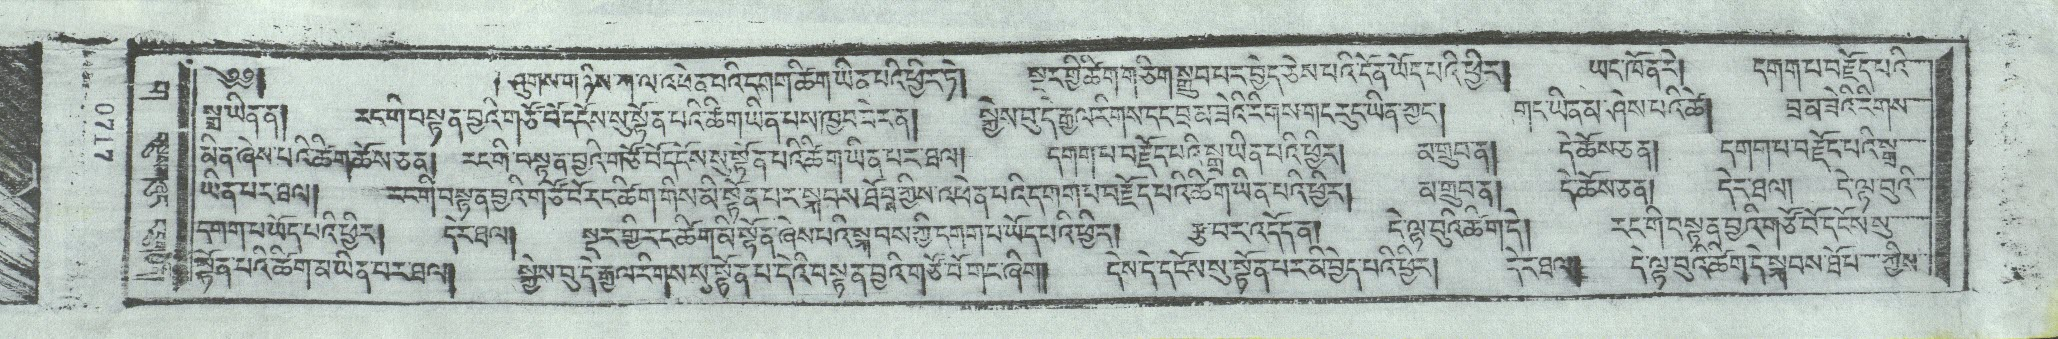༄༅། །ཤུགས་གཉིས་ཀ་ལ་འཕེན་པའི་དགག་ཚིག་ཡིན་པའི་ཕྱིར་ཏེ། སྔར་གྱི་ཚིག་གཅིག་སྒྲུབ་པར་བྱེད་ཅེས་པའི་དོན་ཡོད་པའི་ཕྱིར། ཡང་ཁོ་ན་རེ། དགག་པ་བརྗོད་པའི་
སྒྲ་ཡིན་ན། རང་གི་བསྟན་བྱའི་གཙོ་བོ་དངོས་སུ་སྟོན་པའི་ཚིག་ཡིན་པས་ཁྱབ་ཟེར་ན། སྐྱེས་བུ་དེ་རྒྱལ་རིགས་དང་བྲམ་ཟེའི་རིགས་གང་རུང་ཡིན་ཀྱང་། གང་ཡིན་མ་ཤེས་པའི་ཚེ། བྲམ་ཟེའི་རིགས་
མིན་ཞེས་པའི་ཚིག་ཆོས་ཅན། རང་གི་བསྟན་བྱའི་གཙོ་བོ་དངོས་སུ་སྟོན་པའི་ཚིག་ཡིན་པར་ཐལ། དགག་པ་བརྗོད་པའི་སྒྲ་ཡིན་པའི་ཕྱིར། མ་གྲུབ་ན། དེ་ཆོས་ཅན། དགག་པ་བརྗོད་པའི་སྒྲ་
ཡིན་པར་ཐལ། རང་གི་བསྟན་བྱའི་གཙོ་བོ་རང་ཚིག་གིས་མི་སྟོན་པར་སྐབས་ཐོབས་ཀྱིས་འཕེན་པའི་དགག་པ་བརྗོད་པའི་ཚིག་ཡིན་པའི་ཕྱིར། མ་གྲུབ་ན། དེ་ཆོས་ཅན། དེར་ཐལ། དེ་ལྟ་བུའི་
དགག་པ་ཡོད་པའི་ཕྱིར། དེར་ཐལ། སྔར་གྱི་རང་ཚིག་མི་སྟོན་ཞེས་པའི་སྐབས་ཀྱི་དགག་པ་ཡོད་པའི་ཕྱིར། རྩ་བར་འདོད་ན། དེ་ལྟ་བུའི་ཚིག་དེ། རང་གི་བསྟན་བྱའི་གཙོ་བོ་དངོས་སུ་
སྟོན་པའི་ཚིག་མ་ཡིན་པར་ཐལ། སྐྱེས་བུ་དེ་རྒྱལ་རིགས་སུ་སྟོན་པ་དེའི་བསྟན་བྱའི་གཙོ་བོ་གང་ཞིག། དེས་དེ་དངོས་སུ་སྟོན་པར་མི་བྱེད་པའི་ཕྱིར། དེར་ཐལ། དེ་ལྟ་བུའི་ཚིག་དེ་སྐབས་ཐོབ་ཀྱིས་